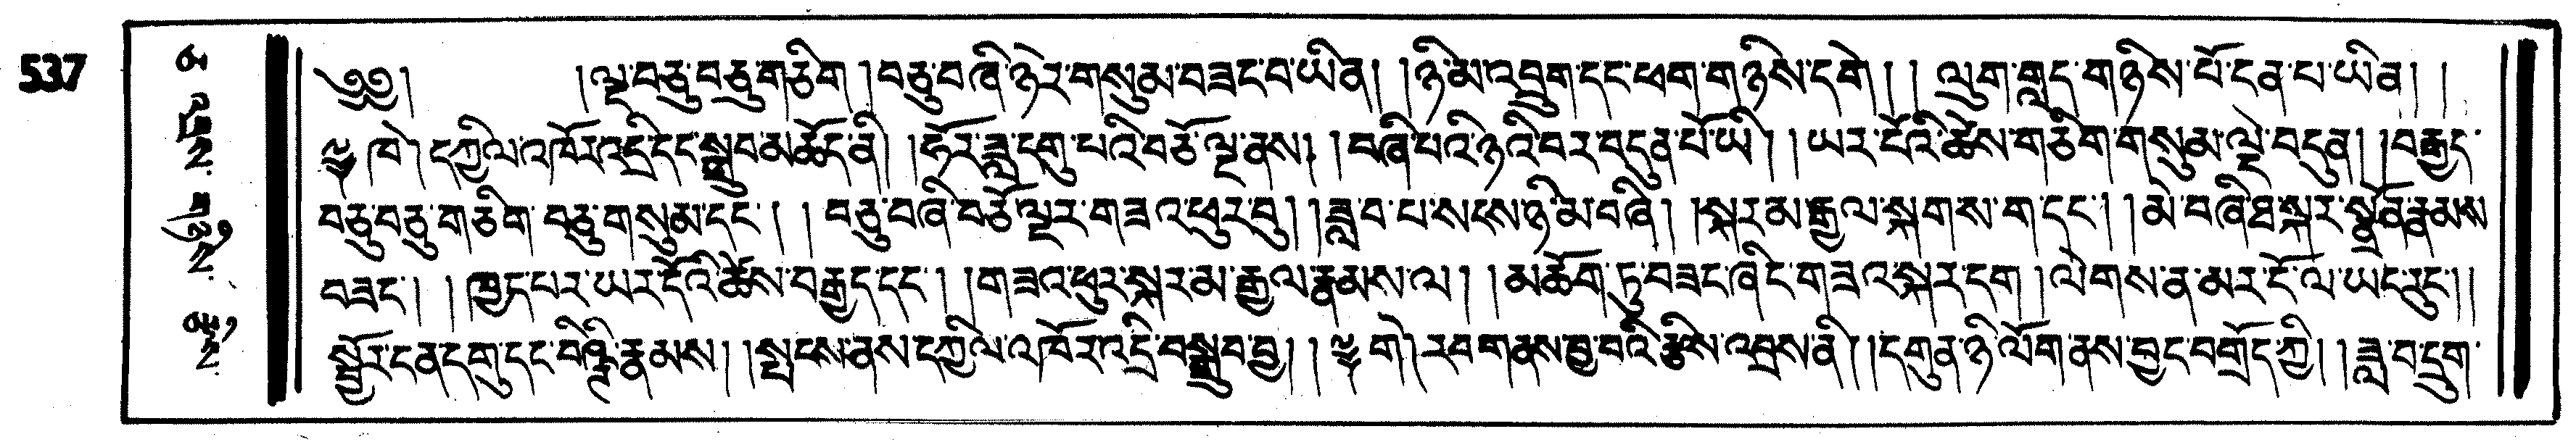༄༅། །ལྔ་བཅུ་བཅུ་གཅིག །བཅུ་བཞི་ཉེར་གསུམ་བཟང་བ་ཡིན། །ཉི་མ་འབྲུག་དང་ཕག་གཉིས་དགེ། །ལུག་གླད་གཉིས་པོ་ངན་པ་ཡིན། །
འ་ཁ་དཀྱིལ་འཁོར་འདྲི་དང་སྒྲུབ་མཆོད་ནི། །ཧོར་ཟླ་དགུ་པའི་བཅོ་ལྔ་ནས། །བཞི་པའི་ཉའི་བར་བདུན་པོ་ཡི། །ཡར་ངོའི་ཚེས་གཅིག་གསུམ་ལྡེ་བདུན། །བརྒྱད་
བཅུ་བཅུ་གཅིག་བཅུ་གསུམ་དང་། །བཅུ་བཞི་བཅོ་ལྔར་གཟའ་ཕུར་བུ། །ཟླ་བ་པ་སངས་ཉི་མ་བཞི། །སྐར་མ་རྒྱལ་སྐག་ས་ག་དང་། །མེ་བཞི་ཐ་སྐར་སྣྲོན་རྣམས་
བཟང་། །ཁྱད་པར་ཡར་དོའི་ཚེས་བརྒྱད་དང་། །གཟའ་ཕུར་སྐར་མ་རྒྱལ་རྣམས་ལ། །མཆོག་ཏུ་བཟང་ཞིང་གཟའ་སྐར་དག །ལེགས་ན་མར་ངོ་ལ་ཡང་རུང་། །
སྦྱོར་ངན་དགུ་དང་བིཥྚི་རྣམས། །སྤངས་ནས་དཀྱིལ་འཁོར་འདྲི་བསྒྲུབ་བྱ། ། འ་ག་རབ་གནས་བྱ་བའི་རྩིས་འབྲས་ནི། །དགུན་ཉི་ལོག་ནས་བྱང་བགྲོད་ཀྱི། །ཟླ་བ་དྲུག་